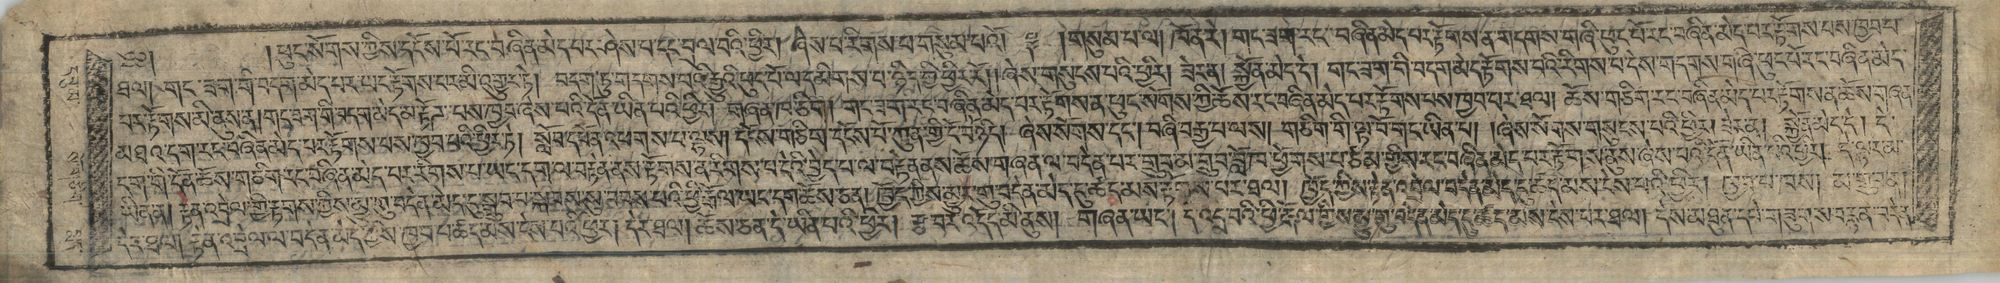༄༅། །ཕུང་སོགས་ཀྱིས་དངོས་པོ་རང་བཞིན་མེད་པར་ཤེས་པ་དང་བྲལ་བའི་ཕྱིར། ཞེས་པ་རིགས་པ་གསུམ་པའོ། ༈ །གསུམ་པ་ལ། ཁོ་ན་རེ། གང་ཟག་རང་བཞིན་མེད་པར་རྟོགས་ན་གདགས་གཞི་ཕུང་པོ་རང་བཞིན་མེད་པར་རྟོགས་པས་ཁྱབ་པ་
ཐལ། གང་ཟག་གི་བདག་མེད་པར་ཡང་རྟོགས་པར་མི་འགྱུར་ཏེ། བདག་ཏུ་གདགས་པའི་རྒྱུའི་ཕུང་པོ་ལ་དམིགས་པ་ཉིད་ཀྱི་ཕྱིར་རོ། །ཞེས་གསུངས་པའི་ཕྱིར། ཟེར་ན། སྐྱོན་མེད་དེ། གང་ཟག་གི་བདག་མེད་རྟོགས་པའི་རིགས་པ་དེས་གདགས་གཞི་ཕུང་པོ་རང་བཞིན་མེད་
པར་རྟོགས་མི་ནུས་ན། གང་ཟག་གི་བདག་མེད་མ་རྟོཌ་པས་ཁྱབ་ཞེས་པའི་དོན་ཡིན་པའི་ཕྱིར། གཞན་ཁ་ཅིག ། གང་ཟག་རང་བཞིན་མེད་པར་རྟོགས་ན་ཕུང་སོགས་ཀྱི་ཆོས་རང་བཞིན་མེད་པར་རྟོགས་པས་ཁྱབ་པར་ཐལ། ཆོས་གཅིག་རང་བཞིན་མེད་པར་རྟོགས་ན་ཆོས་གཞན་
མཐའ་དག་རང་བཞིན་མེད་པར་རྟོགས་པས་ཁྱབ་པའི་ཕྱིར་ཏེ། སློབ་དཔོན་འཕགས་པ་ལྷས། དངོས་གཅིག་དངོས་པོ་ཀུན་གྱི་ངོ་བོ་ཉིད། ཞེས་སོགས་དང་། བཞི་བརྒྱ་པ་ལས། གཅིག་གི་ལྟ་བོ་གང་ཡིན་པ། །ཞེས་སོགས་གསུངས་པའི་ཕྱིར། ཟེར་ན། སྐྱོན་མེད་དེ། དེ་
དག་གི་དོན་ཆོས་གཅིག་རང་བཞིན་མེད་པར་རིགས་པ་ཡང་དག་ལ་བརྟེན་ནས་རྟོགས་ན་རིགས་པ་དེའི་བྱེད་པ་ལ་བརྟེན་ནས་ཆོས་གཞན་ལ་བདེན་པར་གྲུབ་མ་གྲུབ་བློ་ཁ་ཕྱོགས་པ་ཙམ་གྱིས་རང་བཞིན་མེད་པར་རྟོགས་ནུས་ཞེས་པའི་དོན་ཡིན་པའི་ཕྱིར། དེ་ལྟར་མ་
ཡིན་ན། རྟེན་འབྲེལ་གྱི་རྟགས་ཀྱིས་མྱུ་གུ་བདེན་མེད་དུ་སྒྲུབ་པ་སྐབས་སུ་བབས་པའི་ཕྱི་རྒོལ་ཡང་དག་ཆོས་ཅན། ཁྱོད་ཀྱིས་མྱུར་གུ་བདེན་མེད་དུ་ཚད་མས་རྟོགས་པར་ཐལ། ཁྱོད་ཀྱིས་རྟེན་འབྲེལ་བདེན་མེད་དུ་ཚད་མས་ངེས་པའི་ཕྱིར། ཁྱབ་པ་ཁས། མ་གྲུབ་ན།
དེར་ཐལ། རྟེན་འབྲེལ་ལ་བདེན་མེད་ཀྱིས་ཁྱབ་པ་ཚད་མས་ངེས་པའི་ཕྱིར། དེར་ཐལ། ཆོས་ཅན་དེ་ཡིན་པའི་ཕྱིར། རྩ་བར་འདོད་མི་ནུས། གཞན་ཡང་། དེ་འདྲ་བའི་ཕྱི་རྒོལ་གྱིས་མྱུ་གུ་བདེན་མེད་དུ་ཚད་མས་ངེས་པར་ཐལ། དེས་མཐུན་དཔེ་གཟུགས་བརྙན་བདེན་